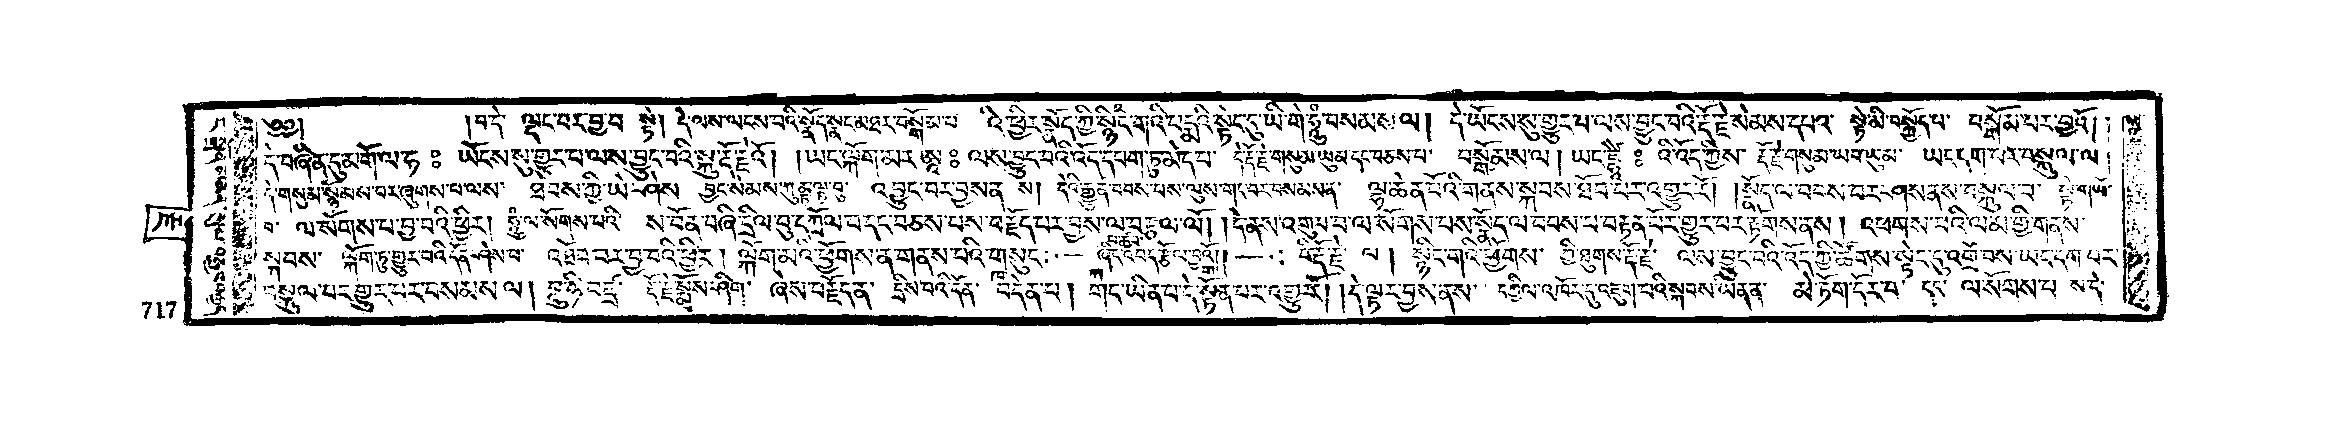༄༅། །པ་དེ་ལྡང་བར་བྱ་བ་སྟེ། དེ་ལས་ལངས་པའི་སྣོད་སྣང་མཐར་བསྒོམ་པའི་?་ཕྱིར་སྣོད་ཀྱི་སྙིང ༢་གའི་པདམའི་སྟེང་དུ་ཡི་གེ་ཧཱུཾ་བསམས་ལ། དེ་ཡོངས་སུ་གྱུར་པ་ལས་བྱུང་བའི་རྡོ་རྗེ་སེམས་དཔའ་སྟེ་མི་བསྐྱོད་པ་བསྒོམ་པར་བྱའོ། །
དེ་བཞིན་དུ་མགོ་ལ་ཧཿ ཡོངས་སུ་གྱུར་པ་ལས་བྱུང་བའི་སྐུ་རྡོ་རྗེའོ། །ཡང་ལྐོག་མར་ཨཱཿ ལས་བྱུང་བའི་འོད་དཔག་ཏུ་མེད་པ་དེ་རྡོ་རྗེ་གསུམ་ཡུམ་དང་བཅས་པ་བསྒོམས་ལ། ཡང་ཛྷEཨེཿ འི་འོད་ཀྱིས་རྡོ་རྗེ་གསུམ་ཡབ་ཡུམ་ཡང་དག་པར་བསྐུལ་ལ།
དེ་གསུམ་སྙོམས་པར་ཞུགས་པ་ལས་ཐབས་ཀྱི་ཡེ་ཤེས་བྱང་སེམས་ཀུནཏ?་ལྟ་བུ་འབྱུང་བར་བྱས་ནས། དེའི་རྒྱུན་བབས་པས་ལུས་གང་བར་བསམས་ན་ལྷ་ཆེན་པོའི་གནས་སྐབས་ཐོབ་པར་འགྱུར་རོ། །སྣོད་ལ་བབས་པར་ཤེས་ནས་བསྐུལ་བ་སྟེ་གཡོ་
བ་ལ་སོགས་པ་བྱ་བའི་ཕྱིར། ཧཱུཾ་ལ་སོགས་པའི་ས་བོན་བཞི་དྲིལ་བུ་དཀྲོལ་བ་དང་བཅས་པས་བརྗོད་པར་བྱས་ལ་བརྩལ་ལོ། །དེ་ནས་འགུལ་བ་ལ་སོགས་པས་སྣོད་ལ་བབས་པ་བརྟན་པོར་གྱུར་པར་རྟོགས་ནས། འཕགས་པའི་ལམ་གྱི་གནས་
སྐབས་ལྐོག་ཏུ་གྱུར་པའི་དོན་ཤེས་པ་འཐོབ་པར་བྱ་བའི་ཕྱིར། ལྐོག་མའི་ཕྱོགས་ན་གནས་པའི་གསུངཿ་ཞིང་པ་ཚབ་འབད་རྩོལ་བྱའོ།།  གི་རྡོ་རྗེ་ལ། སྙིང་གའི་ཕྱོགས་ཀྱི་ཐུགས་རྡོ་རྗེ་ལས་བྱུང་བའི་འོད་ཀྱི་ཚོགས་སྟེང་དུ་འགྲོ་བས་ཡང་དག་པར་
བསྐུལ་བར་གྱུར་པར་བསམས་ལ། བཱུ་ཧི་བཛྲ་རྡོ་རྗེ་སྨོས་ཤིག་ཞེས་བརྗོད་ན་དྲིས་པའི་དོན་ཁ་བདེན་པ། ཀ་གང་ཡིན་པ་དེ་ག་སྟོན་པར་འགྱུར་རོ། །དེ་ལྟར་བྱས་ནས་དཀྱིལ་འཁོར་དུ་འཇུག་པའི་སྐབས་ཡིན་ན་མེ་ཏོག་དོར་བ་དང་ལ་སོགས་པས་དེ་